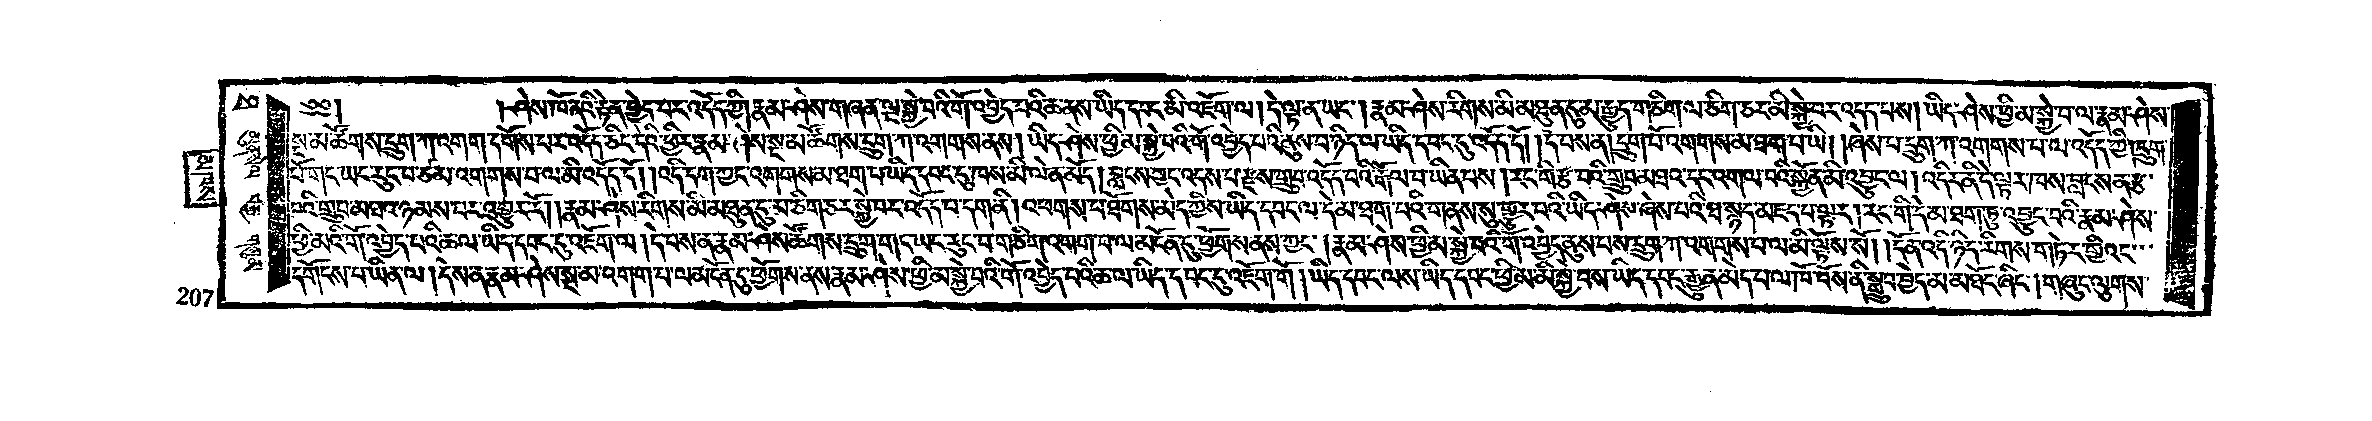༄༅། །ཤེས་ཁོ་ནའི་རྟེན་བྱེད་པར་འདོད་ཀྱི། རྣམ་ཤེས་གཞན་ལྔ་སྐྱེ་བའི་གོ་འབྱེད་པའི་ཆ་ནས་ཡིད་དབང་མི་འཇོག་ལ། དེ་ལྟ་ན་ཡང་། རྣམ་ཤེས་རིགས་མི་མཐུན་དུ་མ་རྒྱུད་གཅིག་ལ་ཅིག་ཅར་མི་སྐྱེ་བར་འདོད་པས། ཡིད་ཤེས་ཕྱི་མ་སྐྱེ་བ་ལ་རྣམ་ཤེས་
སྔ་མ་ཚོགས་དྲུག་ཀ་འགག་དགོས་པར་འདོད་ཅིང་དེའི་ཕྱིར་རྣམ་ཤེས་སྔ་མ་ཚོགས་དྲུག་ཀ་འགགས་ནས། ཡིད་ཤེས་ཕྱི་མ་སྐྱེ་བའི་གོ་འབྱེད་པའི་ནུས་པ་ཉིད་ལ་ཡིད་དབང་དུ་འདོད་དོ། །དེ་བས་ན། དྲུག་པོ་འགགས་མ་ཐག་པ་ཡི། །ཞེས་པ་དྲུག་ཀ་འགགས་པ་ལ་འདོད་ཀྱི། དྲུག་
པོ་གང་ཡང་རུང་བ་ཙམ་འགགས་པ་ལ་མི་འདོད་དོ། །འདི་དག་ཀྱང་འགགས་མ་ཐག་པ་ཡིད་དབང་དུ་ཁས་མི་ལེན་མོད། བླངས་ཀྱང་འདས་པ་རྫས་གྲུབ་འདོད་པའི་རྒོལ་བ་ཡིན་པས། རང་གི་རྩ་བའི་གྲུབ་མཐའ་དང་འགལ་བའི་སྐྱོན་མི་འབྱུང་ལ། འདིར་ནི་དེ་ལྟར་ཁས་བླངས་ན་རྩ་
བའི་གྲུབ་མཐའ་ཉམས་པར་འགྱུར་རོ། །རྣམ་ཤེས་རིགས་མི་མཐུན་དུ་མ་ཅིག་ཅར་སྐྱེ་བར་འདོད་པ་དག་ནི། འཕགས་པ་ཐོགས་མེད་ཀྱིས་ཡིད་དབང་ལ་དེ་མ་ཐག་པའི་གནས་སུ་གྱུར་པའི་ཡིད་ཤེས་ཞེས་པའི་ཐ་སྙད་མཛད་པ་ལྟར། རང་གི་དེ་མ་ཐག་ཏུ་འབྱུང་བའི་རྣམ་ཤེས་
ཕྱི་མའི་གོ་འབྱེད་པའི་ཆ་ལ་ཡིད་དབང་དུ་འཇོག་ལ། དེ་བས་ན་རྣམ་ཤེས་ཚོགས་དྲུག་གང་ཡང་རུང་བ་གཅིག་འགག་པ་ལ་མངོན་དུ་ཕྱོགས་ནས་ཀྱང་། རྣམ་ཤེས་ཕྱི་མ་སྐྱེ་བའི་གོ་འབྱེད་ནུས་པས་དྲུག་ཀ་འགགས་པ་ལ་མི་ལྟོས་སོ། །དོན་འདི་ཉིད་རིགས་གཏེར་གྱིའང་
དགོངས་པ་ཡིན་ལ། དེས་ན་རྣམ་ཤེས་སྔ་མ་འགག་པ་ལ་མངོན་དུ་ཕྱོགས་ནས་རྣམ་ཤེས་ཕྱི་མ་སྐྱེ་བའི་གོ་འབྱེད་པའི་ཆ་ལ་ཡིད་དབང་དུ་འཇོག་གོ། ཡིད་དབང་ལས་ཡིད་དབང་ཕྱི་མ་མི་སྐྱེ་བས་ཡིད་དབང་རྒྱུན་མེད་པ་ལ་ཁོ་བོས་ནི་སྒྲུབ་བྱེད་མ་མཐོང་ཞིང་། གཞུང་ལུགས་